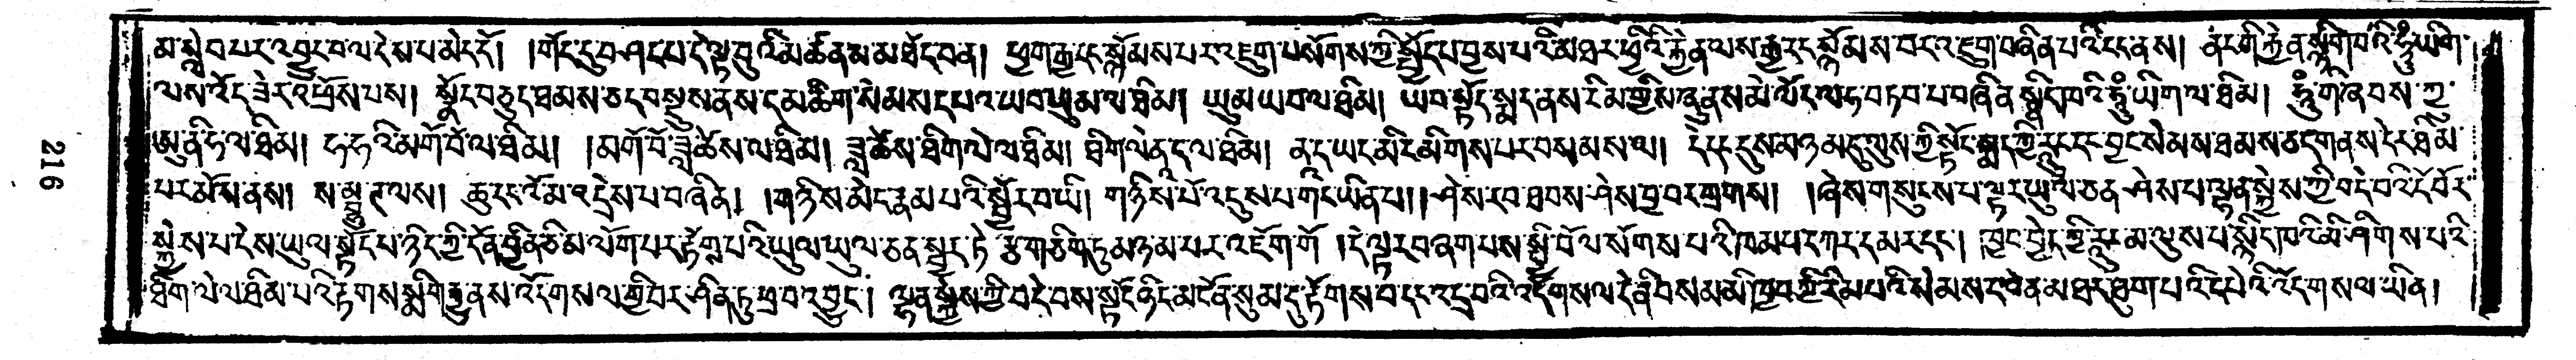མ་སླེབ་པར་འབྱུང་བ་ལ་ངེས་པ་མེད་དོ། །གོང་དུ་བཤད་པ་དེ་ལྟ་བུའི་མཚན་མ་མཐོང་བ་ན། ཕྱག་རྒྱ་དང་སྙོམས་པར་འཇུག་པ་སོགས་ཀྱི་སྤྱོད་པ་བྱས་པའི་མཐར་ཕྱིའི་རྐྱེན་ལས་རྒྱ་རང་སྙོམས་བར་འཇུག་བཞིན་པའི་ངང་ནས། ནང་གི་རྐྱེན་སྙིག་བའི་ཧཱུཾ་ཡིག་
ལས་འོད་ཟེར་འཕྲོས་པས། སྣོད་བཅུད་ཐམས་ཅད་བསྡུས་ནས་དམ་ཚིག་སེམས་དཔའ་ཡབ་ཡུམ་ལ་ཐིམ། ཡུམ་ཡབ་ལ་ཐིམ། ཡབ་སྟོད་སྨད་ནས་རིམ་གྱིས་ཞུ་ནས་མེ་ལོང་ལ་ཧ་བཏབ་པ་བཞིན་སྙིང་ཁའི་ཧཱུཾ་ཡིག་ལ་ཐིམ། ཧཱུཾ་གི་ཞབས་ཀྱུ་
ཨུ་ནི་ཧ་ལ་ཐིམ། ཧ་ཧའི་མགོ་བོ་ལ་ཐིམ། །མགོ་བོ་ཟླ་ཚེས་ལ་ཐིམ། ཟླ་ཚེས་ཐིག་ལེ་ལ་ཐིམ། ཐིག་ལེ་ནཱ་ད་ལ་ཐིམ། ནཱ་ད་ཡང་མི་དམིགས་པར་བསམས་ལ། དེ་དང་དུས་མཉམ་དུ་ལུས་ཀྱི་སྟོང་སྨད་ཀྱི་རླུང་དང་བྱང་སེམས་ཐམས་ཅད་གནས་དེར་ཐིམ་
པར་མིས་ནས། ས་མྦྷུ་ཊ་ལས། ཆུ་དང་འོ་མ་འདྲེས་པ་བཞིན། །གཉིས་མེད་རྣམ་པའི་སྦྱོར་བ་ཡི། གཉིས་པོ་འདུས་པ་གང་ཡིན་པ། །ཤེས་རབ་ཐབས་ཤེས་བྱ་བར་གྲགས། །ཞེས་གསུངས་པ་ལྟར་ཡུལ་ཅན་ཤེས་པ་ལྷན་སྐྱེས་ཀྱི་བདེ་བའི་ངོ་བོར་
སྐྱེས་པ་ངེས་ཡུལ་སྟོང་པ་ཉིད་ཀྱི་དོན་བྱིན་ཅི་མ་ལོག་པར་རྟོགས་པའི་ཡུལ་ཡུལ་ཅན་སྦྱར་ཏེ་རྩ་གཅིག་ཏུ་མཉམ་པར་འཇོག་གོ །དེ་ལྟར་བཞག་པས་སྤྱི་བོ་ལ་སོགས་པའི་ཁམས་དཀར་དམར་དང་། ཁྱབ་བྱེད་ཀྱི་རླུང་མ་ལུས་པ་སྙིང་ཁའི་མི་ཤིགས་པའི་
ཐིག་ལེ་ལ་ཐིམ་པའི་རྟགས་སྨིག་རྒྱུ་ནས་འོད་གསལ་གྱི་བར་ཤིན་ཏུ་ཕྲ་བ་འབྱུང་། ལྷན་སྐྱེས་ཀྱི་བདེ་བས་སྟོང་ཉིད་མངོན་སུམ་དུ་རྟོགས་པ་དང་འདྲ་བའི་འོད་གསལ་དེ་ནི་བསམ་མི་ཁྱབ་ཀྱི་རིམ་པའི་སེམས་དབེན་མཐར་ཐུག་པའི་དཔེའི་འོད་གསལ་ཡིན།